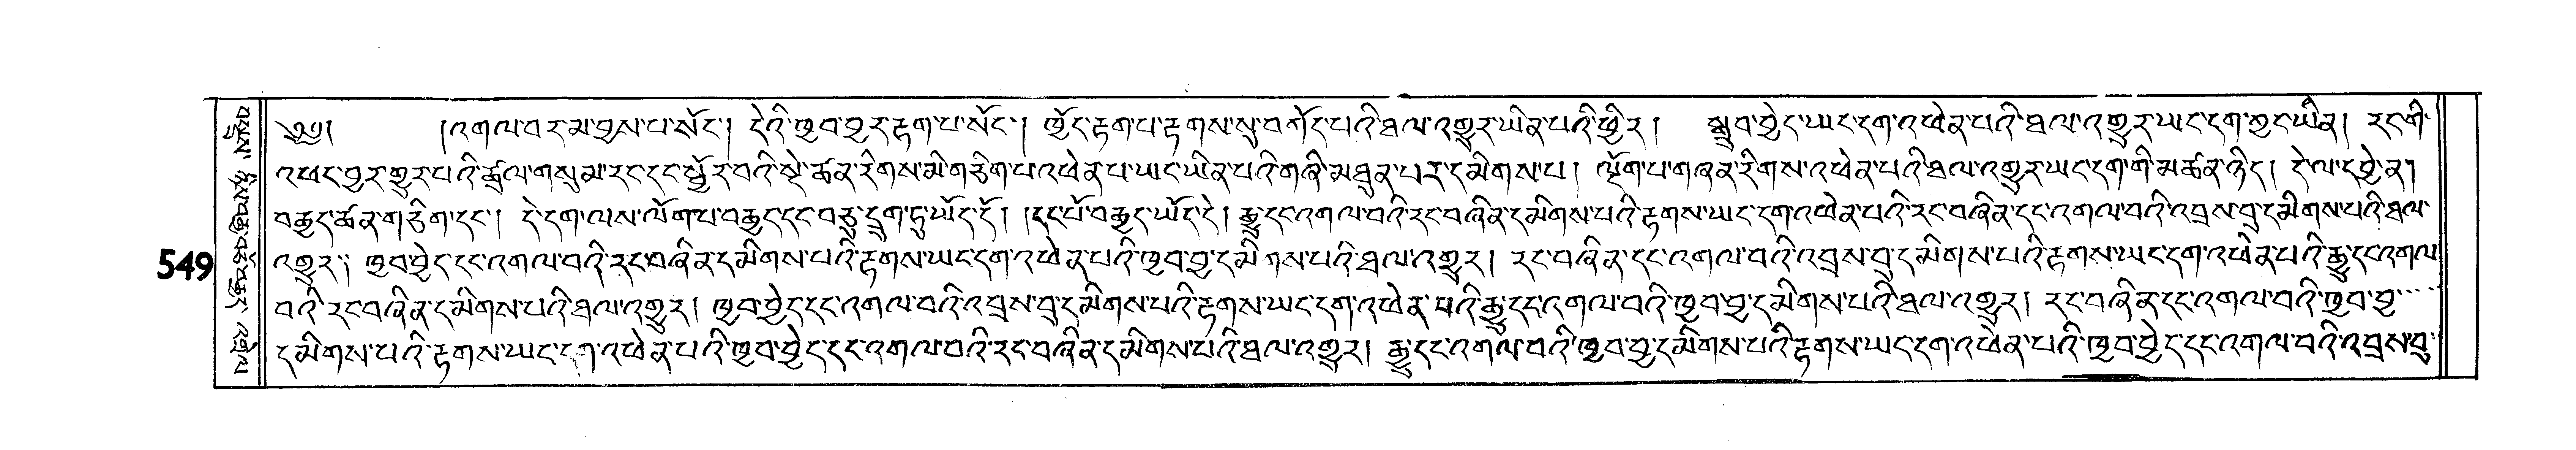༄༅། །འགལ་བར་མ་བྱས་པ་སོང་། དེའི་ཁྱབ་བྱར་རྟག་པ་སོང་། ཁྱོད་རྟག་པ་རྟགས་སུ་བཀོད་པའི་ཐལ་འགྱུར་ཡིན་པའི་ཕྱིར། སྒྲུབ་བྱེད་ཡང་དག་འཕེན་པའི་ཐལ་འགྱུར་ཡང་དག་ཀྱང་ཡིན། རང་གི་
འཕང་བྱར་གྱུར་པའི་ཚུལ་གསུམ་རང་དང་སྦྱོར་བའི་སྡེ་ཚན་རིགས་མི་གཅིག་པ་འཕེན་པ་ཡང་ཡིན་པའི་གཞི་མཐུན་པར་དམིགས་པ། ལྡོག་པ་གཞན་རིགས་འཕེན་པའི་ཐལ་འགྱུར་ཡང་དག་གི་མཚན་ཉིད། དེ་ལ་དབྱེ་ན།
བརྒྱད་ཚན་གཅིག་དང་། དེ་དག་ལས་ལོག་པ་བརྒྱད་དང་བཅུ་དྲུག་ཏུ་ཡོད་དོ། །དང་པོ་བརྒྱད་ཡོད་དེ། རྒྱུ་དང་འགལ་བའི་རང་བཞིན་དམིགས་པའི་རྟགས་ཡང་དག་འཕེན་པའི་རང་བཞིན་དང་འགལ་བའི་འབྲས་བུ་དམིགས་པའི་ཐལ་
འགྱུར༑ ཁྱབ་བྱེད་དང་འགལ་བའི་རང་བཞིན་དམིགས་པའི་རྟགས་ཡང་དག་འཕེན་པའི་ཁྱབ་བྱ་དམིགས་པའི་ཐལ་འགྱུར། རང་བཞིན་དང་འགལ་བའི་འབྲས་བུ་དམིགས་པའི་རྟགས་ཡང་དག་འཕེན་པའི་རྒྱུ་དང་འགལ་
བའི་རང་བཞིན་དམིགས་པའི་ཐལ་འགྱུར། ཁྱབ་བྱེད་དང་འགལ་བའི་འབྲས་བུ་དམིགས་པའི་རྟགས་ཡང་དག་འཕེན་པའི་རྒྱུ་དང་འགལ་བའི་ཁྱབ་བྱ་དམིགས་པའི་ཐལ་འགྱུར། རང་བཞིན་དང་འགལ་བའི་ཁྱབ་བྱ་
དམིགས་པའི་རྟགས་ཡང་དག་འཕེན་པའི་ཁྱབ་བྱེད་དང་འགལ་བའི་རང་བཞིན་དམིགས་པའི་ཐལ་འགྱུར། རྒྱུ་དང་འགལ་བའི་ཁྱབ་བྱ་དམིགས་པའི་རྟགས་ཡང་དག་འཕེན་པའི་ཁྱབ་བྱེད་དང་འགལ་བའི་འབྲས་བུ་